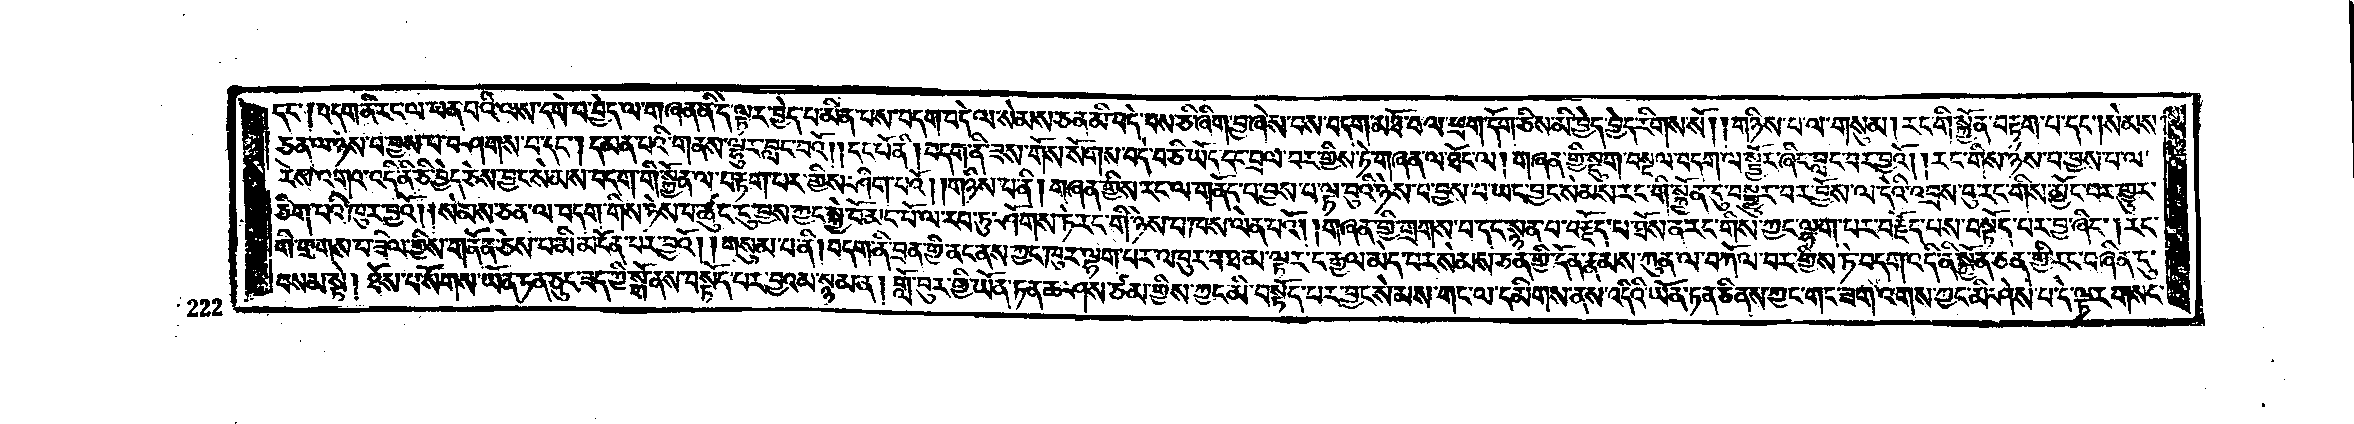དང༑ བདག་ནི་རང་ལ་ཕན་པའི་ལས་དགེ་བ་བྱེད་ལ་གཞན་ནི་དེ་ལྟར་བྱེད་པ་མིན་པས་བདག་བདེ་ལ་སེམས་ཅན་མི་བདེ་བས་ཅི་ཞིག་བྱ་ཞེས་པས་བདག་མཐོ་བ་ལ་ཕྲག་དོག་ཅིས་མི་བྱེད་བྱེད་རིགས་སོ། །གཉིས་པ་ལ་གསུམ། རང་གི་སྐྱོན་བརྟག་པ་དང་། སེམས་
ཅན་ལ་ཉེས་པ་བྱས་པ་བཤགས་པ་དང་། དམན་པའི་གནས་ལྷུར་བླང་བའོ། །དང་པོ་ནི། བདག་ནི་ཟས་གོས་སོགས་བདེ་བ་ཅི་ཡོད་དང་བྲལ་བར་གྱིས་ཏེ་གཞན་ལ་ཐོངླ། གཞན་གྱི་སྡུག་བསྔལ་བདག་ལ་སྦྱོར་ཞིང་བླང་བར་བྱའོ། །རང་གིས་ཉེས་པ་བྱས་པ་ལ་
རེས་འགའ་འདི་ནི་ཅི་བྱེད་ཅེས་བྱང་སེམས་བདག་གི་སྐྱོན་ལ་བརྟག་པར་གྱིས་ཤིག་པའོ། །གཉིས་པ་ནི། གཞན་གྱིས་རང་ལ་གནོད་པ་བྱས་པ་ལྟ་བུའི་ཉེས་པ་བྱས་པ་ཡང་བྱང་སེམས་རང་གི་སྐྱོན་དུ་བསྒྱུར་བར་བྱོས་ལ་དེའི་འབྲས་བུ་རང་གིས་མྱོང་བར་གྱུར་
ཅིག་པའི་ཁུར་བྱའོ། །སེམས་ཅན་ལ་བདག་གིས་ཉེས་པ་ཆུང་ངུ་བྱས་ཀྱང་སྐྱེ་བོ་མང་པོ་ལ་རབ་ཏུ་ཤོགསྟེ་རང་གི་ཉེས་པ་ཁས་ལེན་པའོ། །གཞན་གྱི་གྲགས་པ་དང་སྙན་པ་བརྗོད་པ་ཐོས་ན་རང་གིས་ཀྱང་ལྷག་པར་བརྗོད་པས་བསྟོད་པར་བྱ་ཞིང་། རང་
གི་གྲགས་པ་ཟིལ་གྱིས་གནོན་ཅེས་པ་མི་མངོན་པར་བྱའོ། །གསུམ་པ་ནི། བདག་ནི་བྲན་གྱི་ནང་ནས་ཀྱང་ཁུར་ལྷག་པར་འཁུར་བ་ཐ་མ་ལྟར་ང་རྒྱལ་མེད་པར་སེམས་ཅན་གྱི་དོན་རྣམས་ཀུན་ལ་བཀོལ་བར་གྱིས་ཏེ་བདག་འདི་ནི་སྐྱོན་ཅན་གྱི་རང་བཞིན་དུ་
བསམ་སྟེ། ཐོས་པ་སོགས་ཡོན་ཏན་ཅུང་ཟད་ཀྱི་སྒོ་ནས་བསྟོད་པར་བྱའམྶྙམ་ན། གློ་བུར་གྱི་ཡོན་ཏན་ཆ་ཤས་ཙམ་གྱིས་ཀྱང་མི་བསྟོད་པར་བྱང་སེམས་གང་ལ་དམིགས་ནས་འདིའི་ཡོན་ཏན་ཅི་ནས་ཀྱང་གང་ཟག་འགསྐྱང་མི་ཤེས་པ་དེ་ལྟར་གསང་